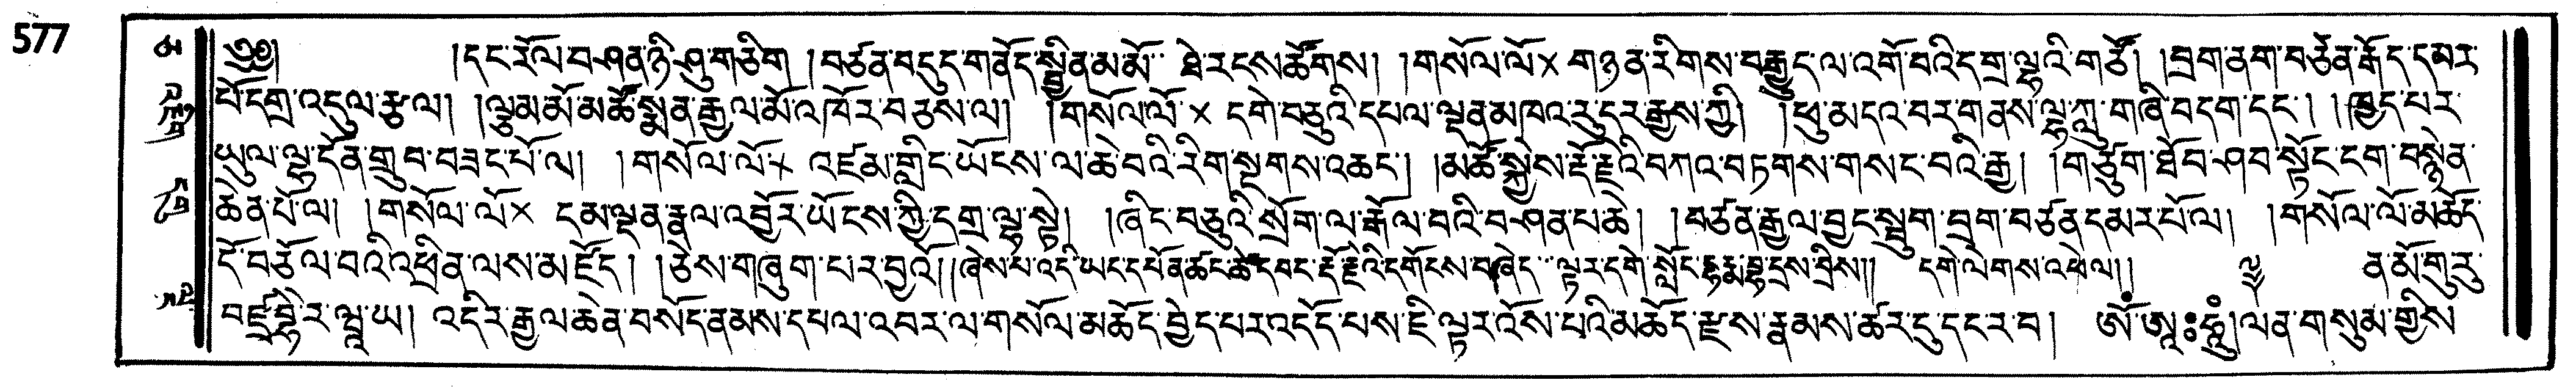༄༅། །དང་རོལ་བཤན་ཉི་ཤུ་གཅིག །བཙན་བདུད་གནོད་སྦྱིན་མ་མོ་་་ཐེ་རངས་ཚོགས། །གསོལ་ལོ྾་གཉན་རིགས་བརྒྱུད་ལ་འགོ་བའི་དགྲ་ལྷའི་གཙོ། །བྲག་ནག་བཙོན་རྒོད་དམར་
པོ་དགྲ་འདུལ་རྩལ། །ལྕམ་མོ་མཚོ་སྨན་རྒྱལ་མོ་འཁོར་བཅས་ལ། །གསོལ་ལོ་྾་དགེ་བཅུའི་དཔལ་ལྡན་མཁའ་རུ་དར་རྒྱས་ཀྱི། །ཕུ་མདའ་བར་གནས་ལྷ་ཀླུ་གཞི་བདག་དང་། །ཁྱད་པར་
ཡུལ་ལྷ་དོན་གྲུབ་བཟང་པོ་ལ། །གསོལ་ལོ་྾་འཛམ་གླིང་ཡོངས་ལ་ཆེ་བའི་རིག་སྔགས་འཆང་། །མཚོ་སྐྱེས་རྡོ་རྗེའི་བཀའ་བཏགས་གསང་བའི་རྒྱ། །གཙུག་ཐོབ་ཤབ་སྟོང་ངག་བསྙེན་
ཆེན་པོ་ལ། །གསོལ་ལོ་྾་དམ་ལྡན་རྣལ་འབྱོར་ཡོངས་ཀྱི་དགྲ་ལྷ་སྟེ། །ཞིང་བཅུའི་སྲོག་ལ་རྒོལ་བའི་བཤན་པ་ཆེན། །བཙན་རྒྱལ་བྱང་སྦུག་བྲག་བཙན་དམར་པོ་ལ། །གསོལ་ལོ་མཆོད་
དོ་བཅོལ་བའི་འཕྲིན་ལས་མཛོད། །ཅེས་གཞུག་པར་བྱའོ། །ཞེས་པ་འདི་ཡང་དཔོན་ཚང་ཚེ་དབང་རྡོ་རྗེའི་དགོངས་བཞེད་་་ལྟར་དགེ་སློང་དྷརྨ་བྷ་དྲས་བྲིས།། དགེ་ལེགས་འཕེལ།། འ་ན་མོ་གུ་རུ་
བཛྲ་བྷེ་རེ་ཝཱ་ཡ། འདིར་རྒྱལ་ཆེན་བསོད་ནམས་དཔལ་འབར་ལ་གསོལ་མཆོད་བྱེད་པར་འདོད་པས་ཇི་ལྟར་འོས་པའི་མཆོད་རྫས་རྣམས་ཚར་དུ་དང་ར་བ། ཨོཾ་ཨཱཿ ཧཱུཾ། ལན་གསུམ་གྱིས་